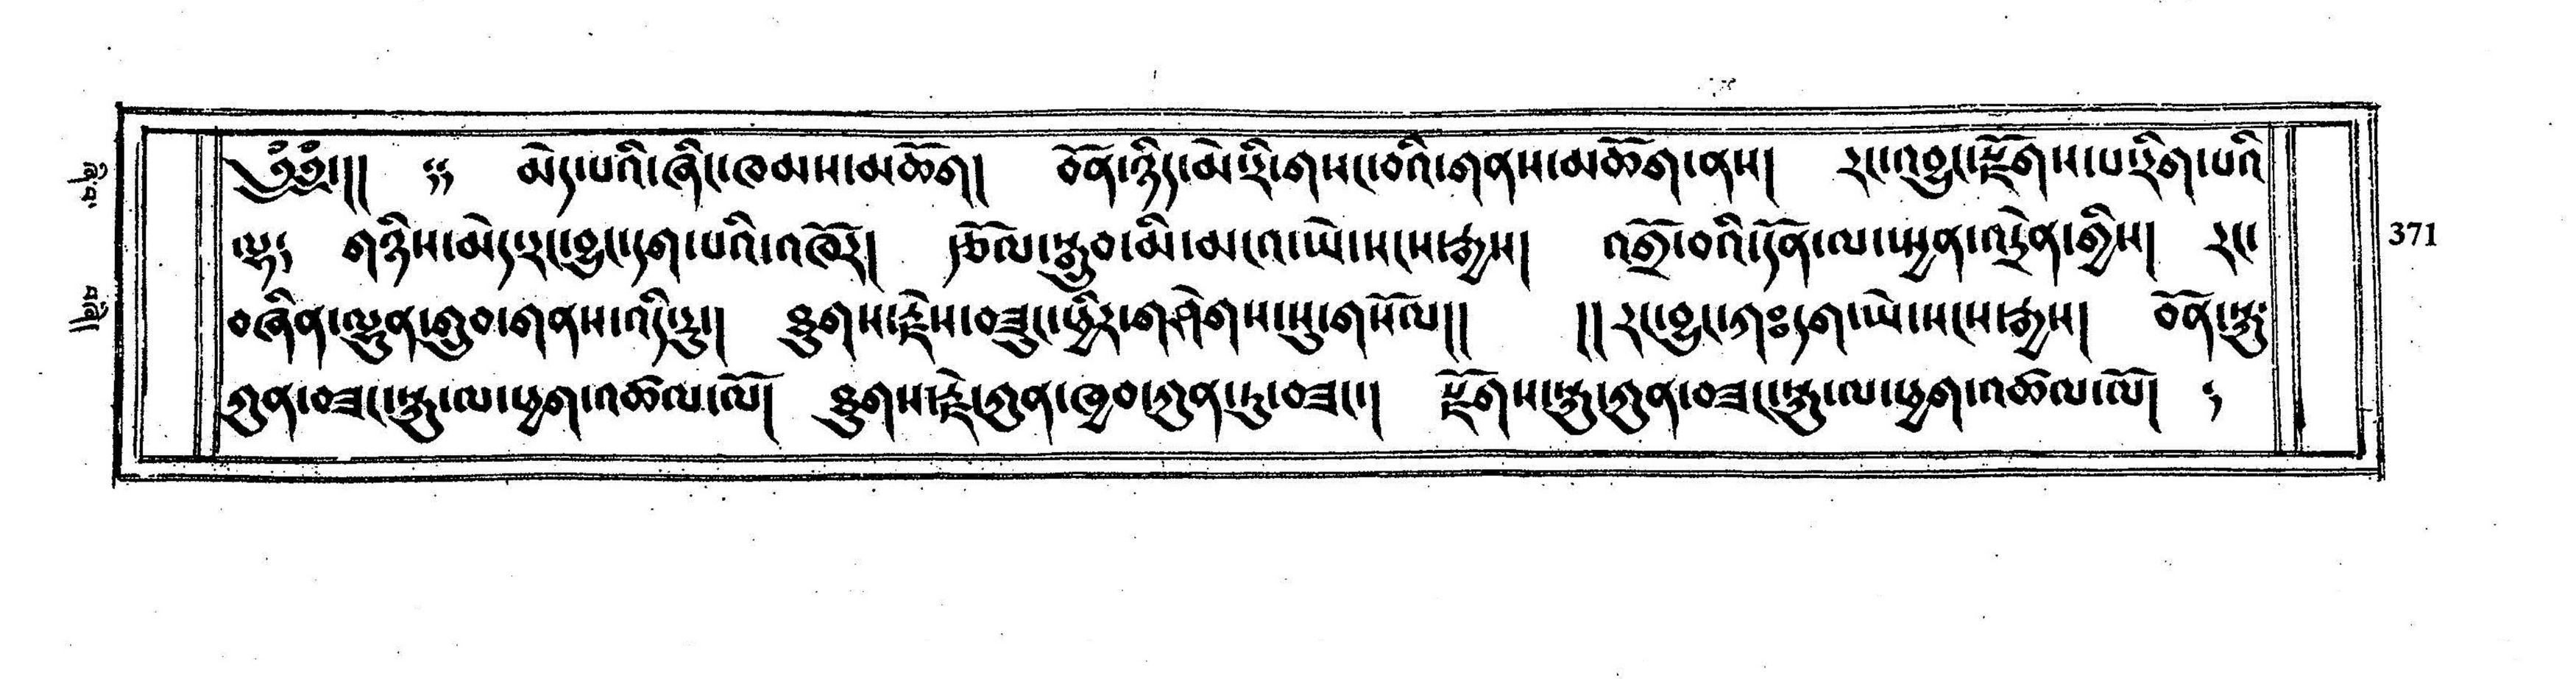མེད་པའི་ཞིང་ཁམས་མཆོག བོན་ཉིད་མེ་རི་གསང་བའི་གནས་མཆོག་ནས། རང་འབྱུང་རྫོགས་པ་རིག་པའི་
ལྷ། གཉིས་མེད་རང་བྱུང་དག་པའི་འཁོར། རྩོལ་སྒྲུབ་མི་མངའ་ཡེ་སངས་རྒྱས། འགྲོ་བའི་དོན་ལ་སྤྱན་འདྲེན་གྱིས། རང་
བཞིན་ལྷུན་གྲུབ་གནས་འདི་རུ། ཐུགས་རྗེས་བཟུང་ཕྱིར་གཤེགས་སུ་གསོལ།། །།རང་བྱུང་ཀཿདག་ཡེ་སངས་རྒྱས། བོན་སྐུ་
ཀུན་བཟང་སྐུ་ལ་ཕྱག་འཚལ་ལོ། ཐུགས་རྗེ་ཀུན་ཁྱབ་ཀུན་ཏུ་བཟང་། རྫོགས་སྐུ་ཀུན་བཟང་སྐུ་ལ་ཕྱག་འཚལ་ལོ།